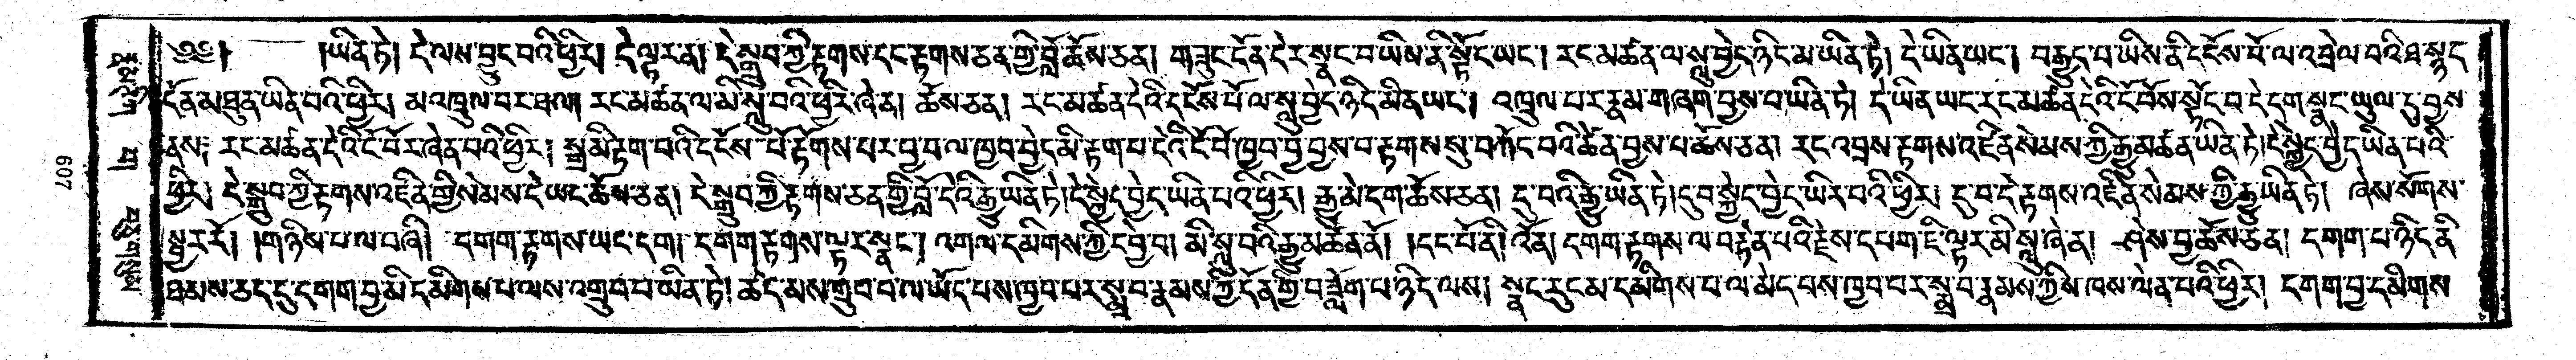༄༅། །ཡིན་ཏེ། དེ་ལས་བྱུང་བའི་ཕྱིར། དེ་ལྟར་ན། དེ་སྒྲུབ་ཀྱི་རྟགས་དང་རྟགས་ཅན་གྱི་བློ་ཆོས་ཅན། གཟུང་དོན་དེར་སྣང་བ་ཡིས་ནི་སྟོང་ཡང་། རང་མཚན་ལ་སླུ་བྱེད་ཉིད་མ་ཡིན་ཏེ། དེ་ཡིན་ཡང་། བརྒྱུད་པ་ཡིས་ནི་དངོས་པོ་ལ་འབྲེལ་བའི་ཐ་སྙད་
དོན་མཐུན་ཡིན་པའི་ཕྱིར། མ་འཁྲུལ་བར་ཐལ། རང་མཚན་ལ་མི་སླུ་བའི་ཕྱིར་ཞེ་ན། ཆོས་ཅན། རང་མཚན་དེའི་དངོས་པོ་ལ་སླུ་བྱེད་ཉིད་མིན་ཡང་། འཁྲུལ་པར་རྣམ་གཞག་བྱས་བ་ཡིན་ཏེ། དེ་ཡིན་ཡང་རང་མཚན་དེའི་ངོ་བོས་སྟོང་པ་དེ་དག་སྣང་ཡུལ་དུ་བྱས་
ནས༑ རང་མཚན་དེའི་ངོ་བོར་ཞེན་པའི་ཕྱིར། སྒྲ་མི་རྟག་པའི་དངོས་པོ་རྟོགས་པར་བྱ་བ་ལ་ཁྱབ་བྱེད་མི་རྟག་པ་དེའི་ངོ་བོ་ཁྱབ་བྱ་བྱས་པ་རྟགས་སུ་བཀོང་བའི་ཚེན་བྱས་པ་ཆོས་ཅན། རང་འབྲས་རྟགས་འཛིན་སེམས་ཀྱི་རྒྱུ་མཚན་ཡིན་ཏེ། དེ་སྐྱེད་བྱེད་ཡིན་པའི་
ཕྱིར། དེ་སྒྲུབ་ཀྱི་རྟགས་འཛིན་གྱི་སེམས་དེ་ཡང་ཆོས་ཅན། དེ་སྒྲུབ་ཀྱི་རྟགས་ཅན་གྱི་བློ་དེའི་རྒྱུ་ཡིན་ཏེ། དེ་སྐྱེད་བྱེད་ཡིན་པའི་ཕྱིར། རྒྱུ་མེ་དག་ཆོས་ཅན། དུ་བའི་རྒྱུ་ཡིན་ཏེ། དུ་བསྐྱེད་བྱེད་ཡིན་པའི་ཕྱིར། དུ་བ་དེ་རྟགས་འཛིན་སེམས་ཀྱི་རྒྱུ་ཡིན་ཏེ། ཞེས་སོགས་
སྦྱར་རོ། །གཉིས་པ་ལ་བཞི། དགག་རྟགས་ཡང་དག། དགག་རྟགས་ལྟར་སྣང་། འགལ་དམིགས་ཀྱི་དབྱེ་བ། མི་སླུ་བའི་རྒྱུ་མཚན་ནོ། །དང་པོ་ནི། འོ་ན། དགག་རྟགས་ལ་བརྟེན་པའི་རྗེས་དཔག་ཇི་ལྟར་མི་སླུ་ཞེ་ན། ཤེས་བྱ་ཆོས་ཅན། དགག་པ་ཉིད་ནི་
ཐམས་ཅད་དུ་དགག་བྱ་མི་དམིགས་པ་ལས་འགྲུབ་པ་ཡིན་ཏེ། ཚད་མས་གྲུབ་བ་ལ་ཡོད་པས་ཁྱབ་པར་སྨྲ་བ་རྣམས་ཀྱི་དོན་གྱི་བཟློག་པ་ཉིད་ལས། སྣང་རུང་མ་དམིགས་པ་ལ་མེད་པས་ཁྱབ་པར་སྨྲ་པ་རྣམས་ཀྱིས་ཁས་ལེན་པའི་ཕྱིར། དགག་བྱ་དམིགས་